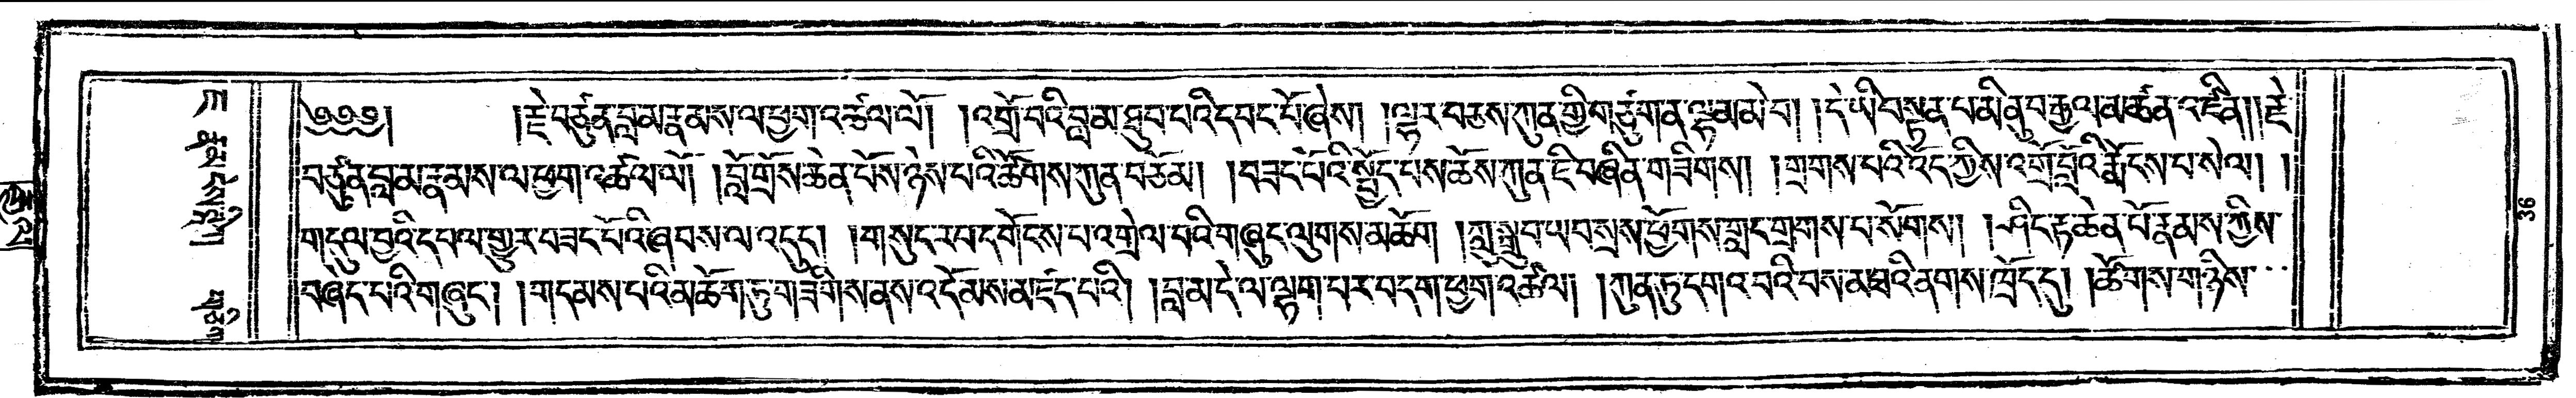རྗེ་བཙུན་བླ་མ་རྣམས་ལ་ཕྱག་འཚལ་ལོ། །འགྲོ་བའི་བླ་མ་ཐུབ་པའི་དབང་པོ་ཞེས། །ལྷག་བཅས་ཀུན་གྱི་གཙུག་ན་ལྷམ་མེ་བ། །དེ་ཡི་བསྟན་པ་མི་ནུབ་རྒྱལ་མཚན་འཛིན། །རྗེ་
བཙུན་བླ་མ་རྣམས་ལ་ཕྱག་འཚལ་ལོ། །བློ་གྲོས་ཆེན་པོས་ཉེས་པའི་ཚོགས་ཀུན་བཅོམ། །བཟང་པོའི་སྤྱོད་པས་ཆོས་ཀུན་ཇི་བཞིན་གཟིགས། །གྲངས་པའི་འོད་ཀྱིས་འགྲོ་བློའི་རྨོངས་པ་སེལ། །
གདུལ་བྱའི་དཔལ་གྱུར་བཟང་པོའི་ཞབས་ལ་འདུད། །གསུང་རབ་དགོངས་པ་འགྲེལ་བའི་གཞུང་ལུགས་མཆོག །ཀླུ་སྒྲུབ་ཡབ་སྲས་ཕྱོགས་གླང་གྲགས་པ་སོགས། །ཤིང་རྟ་ཆེན་པོ་རྣམས་ཀྱིས་
བཞེད་པའི་གཞུང་། །གདམས་པའི་མཆོག་ཏུ་གཟིགས་ནས་འདོམས་མཛད་པའི། །བླ་མ་དེ་ལ་ལྷག་པར་བདག་ཕྱག་འཚལ། །ཀུན་ཏུ་དགའ་བའི་བས་མཐའི་ནགས་ཁྲོད་དུ། །ཚོགས་གཉིས་